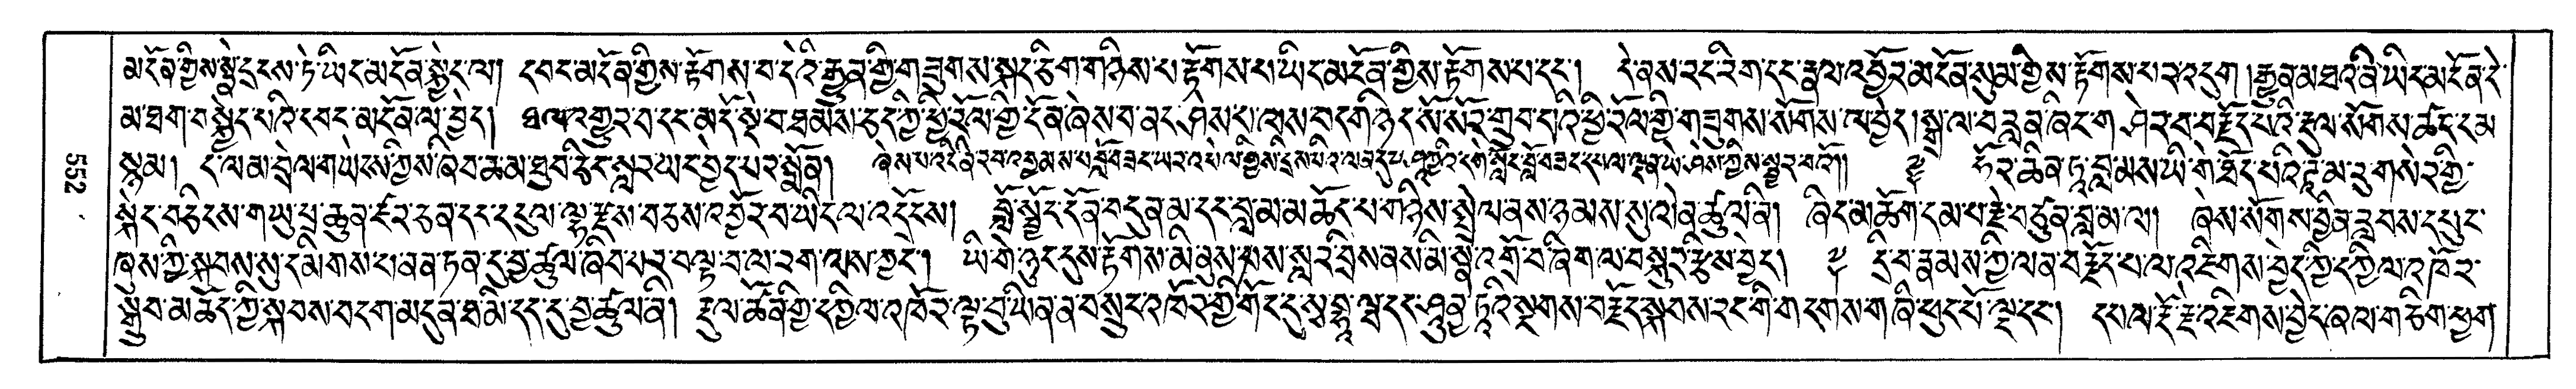མངོན་གྱིས་སྣེ་དྲངས་ཏེ་ཡིད་མངོན་སྐྱེ་བ་ལ། དབང་མངོན་གྱིས་རྟོགས་པ་དེའི་རྒྱུན་གྱི་གཟུགས་སྐད་ཅིག་གཉིས་པ་རྟོགས་པ་ཡིད་མངོན་གྱིས་རྟོགས་པ་དང་། དེ་ནས་རང་རིག་དང་རྣལ་འབྱོར་མངོན་སུམ་གྱིས་རྟོགས་པར་འདུག །རྒྱུན་མཐའ་ནི་ཡིད་མངོན་དེ་
མ་ཐག་བསྐྱེད་པའི་དབང་མངོན་ལ་བྱེད། ཐལ་འགྱུར་བ་དང་མདོ་སྡེ་པ་ཐམས་ཅད་ཀྱི་ཕྱི་རོལ་གྱི་དོན་ཞེས་པ་ནང་ཤེས་པ་ལས་བདག་ཉིད་སོ་སོར་གྲུབ་པའི་ཕྱི་རོལ་གྱི་གཟུགས་སོགས་ལ་བྱེད། སྒྲ་ལ་བརླན་ཞིང་གཤེར་བ་བརྗོད་པའི་རྡུལ་སོགས་ཚང་ངམ་
སྙམ། ད་ལམ་བྲེལ་གཡེངས་ཀྱིས་ཞིབ་ཆ་མ་ཐུབ་ཅིང་སླར་ཡང་བྱེད་པར་སྨོན། ཞེས་པ་འདི་ནི་རབ་འབྱམས་པ་བློ་བཟང་ཡར་འཕེལ་གྱིས་དྲིས་པའི་ལན་དུ་༧་ཤཱཀྱའི་དགེ་སློང་བློ་བཟང་དཔལ་ལྡན་ཡེ་ཤེས་ཀྱིས་སྦྱར་བའོ།། ༈ ཧོར་ཆིན་ཏཱ་བླ་མས་ཡི་གེ་ཐོད་པའི་ཊཱ་མ་རུ་གསེར་གྱི་
སྐེད་བཅིངས་གཡུ་ཕྲ་ཆུན་ཛར་ཅན་དང་དངུལ་ལྷ་རྫས་བཅས་འབྱོར་བ་ཡིད་ལ་འདྲོངས། བློ་སྦྱོང་དོན་བདུན་མ་དང་བླ་མ་མཆོད་པ་གཉིས་སྦྲེལ་ནས་ཉམས་སུ་ལེན་ཚུལ་ནི། ཞིང་མཆོག་དམ་པ་རྗེ་བཙུན་བླ་མ་ལ། ཞེས་སོགས་བྱིན་རླབས་དཔུང་
ཞུས་ཀྱི་སྐབས་སུ་དམིགས་པ་ནན་ཏན་དུ་བྱ་ཚུལ་ཞིབ་པར་བལྟ་བ་ལ་རག་ལས་ཀྱང་། ཡི་གེ་ཉུང་དུས་རྟོགས་མི་ནུས་པས་སླར་བྲིས་ནས་མི་སྣ་འགྲོ་བ་ཞིག་ལ་བསྐུར་རྩིས་བྱེད། ༈ དྲི་བ་རྣམས་ཀྱི་ལན་བརྗོད་པ་ལ་འཇིགས་བྱེད་ཀྱི་དཀྱིལ་འཁོར་
སྒྲུབ་མཆོད་ཀྱི་སྐབས་བདག་མདུན་ཐ་མི་དད་དུ་བྱ་ཚུལ་ནི། རྡུལ་ཚོན་གྱི་དཀྱིལ་འཁོར་ལྟ་བུ་ཡིན་ན་བསྲུང་འཁོར་གྱི་གོང་དུ་སྭ་བྷཱ་ཝ་དང་ཤཱུ་ནྱ་ཏཱའི་སྔགས་བརྗོད་སྐབས་རང་གི་གདགས་གཞི་ཕུང་པོ་ལྔ་དང་། དཔལ་རྡོ་རྗེ་འཇིགས་བྱེད་ཞལ་གཅིག་ཕྱག་